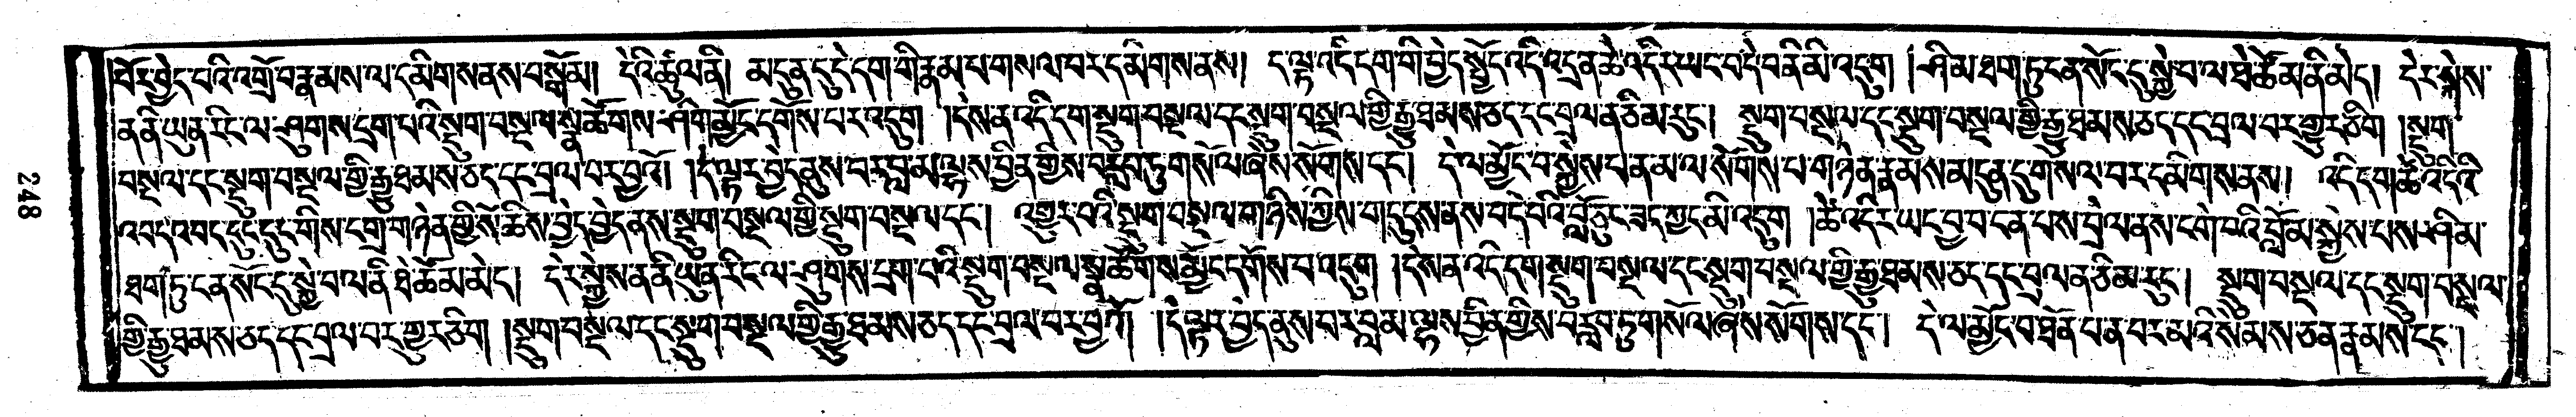པོར་བྱེད་པའི་འགྲོ་བ་རྣམས་ལ་དམིགས་ནས་བསྒོམ། དེའི་ཚུལ་ནི། མདུན་དུ་དེ་དག་གི་རྣམ་པ་གསལ་བར་དམིགས་ནས། ད་ལྟ་འདི་དག་གི་བྱེད་སྤྱོད་འདི་འདྲན་ཆེ་འདིར་ཡང་བདེ་བ་ནི་མི་འདུག། །ཤིམ་ཐག་ཏུ་ངན་སོང་དུ་སྐྱེ་བ་ལ་ཐེ་ཚོམ་ནི་མེད། དེར་སྐྱེས་
ན་ནི་ཡུན་རིང་ལ་ཤུགས་དྲག་པའི་སྡུག་བསྔལ་སྣ་ཚོགས་ཤིག་མྱོང་དགོས་པར་འདུག། །དེས་ན་འདི་དག་སྡུག་བསྔལ་དང་སྡུག་བསྔལ་གྱི་རྒྱུ་ཐམས་ཅད་དང་བྲལ་ན་ཅི་མ་རུང་། སྡུག་བསྔལ་དང་སྡུག་བསྔལ་གྱི་རྒྱུ་ཐམས་ཅད་དང་བྲལ་བར་གྱུར་ཅིག། །སྡུག་
བསྔལ་དང་སྡུག་བསྔལ་གྱི་རྒྱུ་ཐམས་ཅད་དང་བྲལ་བར་བྱའོ། །དེ་ལྟར་བྱེད་ནུས་བར་བླ་མ་ལྷས་བྱིན་གྱིས་བརླབ་ཏུ་གསོལ་ཞེས་སོགས་དང་། དེ་ལ་མྱོང་བ་སྐྱེས་པ་ན་མ་ལ་སོགས་པ་གཉེན་རྣམས་མདུན་དུ་གསལ་བར་དམིགས་ནས། འདི་དག་ཚེ་འདིའི་
འབད་འབང་དུང་དུང་གིས་དགྲ་གཉེན་གྱི་སོ་ཆིས་བྱེད་བྱེད་ནས་སྡུག་བསྔལ་གྱི་སྡུག་བསྔལ་དང་། འགྱུར་པའི་སྡུག་བསྔལ་གཉིས་ཀྱིས་གདུངས་ནས་བདེ་བའི་བློ་ཅུང་ཟད་ཀྱང་མི་འདུག། །ཚེ་འདིར་ཡང་བྱ་བ་ངན་པས་བྲེལ་ནས་དགེ་བའི་བློ་མ་སྐྱེས་པས་ཤི་མ་
ཐག་ཏུ་ངན་སོང་དུ་སྐྱེ་བ་ལ་ནི་ཐེ་ཚོམ་མེད། དེར་སྐྱེས་ན་ནི་ཡུན་རིང་ལ་ཤུགས་དྲག་པའི་སྡུག་བསྔལ་སྣ་ཚོགས་མྱོང་དགོས་པ་འདུག །དེས་ན་འདི་དག་སྡུག་བསྔལ་དང་སྡུག་བསྔལ་གྱི་རྒྱུ་ཐམས་ཅད་དང་བྲལ་ན་ཅི་མ་རུང་། སྡུག་བསྔལ་དང་སྡུག་བསྔལ་
གྱི་རྒྱུ་ཐམས་ཅད་དང་བྲལ་བར་གྱུར་ཅིག །སྡུག་བསྔལ་དང་སྡུག་བསྔལ་གྱི་རྒྱུ་ཐམས་ཅད་དང་བྲལ་བར་བྱའོ། །དེ་ལྟར་བྱེད་ནུས་པར་བླ་མ་ལྷས་བྱིན་གྱིས་བརླབ་ཏུ་གསོལ་ཞེས་སོགས་དང་། དེ་ལ་མྱོང་བ་ཐོན་པ་ན་བར་མའི་སེམས་ཅན་རྣམས་དང་།